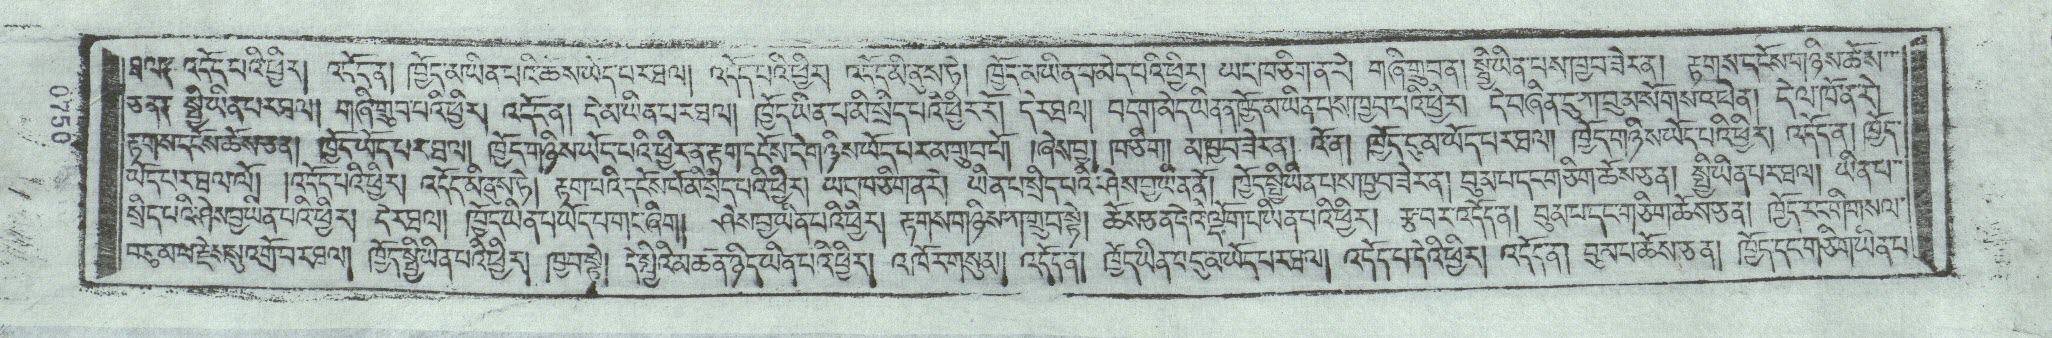ཐལ༑ འདོད་པའི་ཕྱིར། འདོད་ན། ཁྱོད་མ་ཡིན་པའི་ཆོས་ཡོད་པར་ཐལ། འདོད་པའི་ཕྱིར། འདོད་མི་ནུས་ཏེ། ཁྱོད་མ་ཡིན་པ་མེད་པའི་ཕྱིར། ཡང་ཁ་ཅིག་ན་རེ། གཞི་གྲུབ་ན། སྤྱི་ཡིན་པས་ཁྱབ་ཟེར་ན། རྟགས་དངོས་གཉིས་ཆོས་
ཅན༑ སྤྱི་ཡིན་པར་ཐལ། གཞི་གྲུབ་པའི་ཕྱིར། འདོད་ན། དེ་མ་ཡིན་པར་ཐལ། ཁྱོད་ཡིན་པ་མི་སྲིད་པའི་ཕྱིར་རོ། དེར་ཐལ། བདག་མེད་ཡིན་ན་ཁྱོད་མ་ཡིན་པས་ཁྱབ་པའི་ཕྱིར། དེ་བཞིན་དུ་ཀ་བུམ་སོགས་འཕེན། དེ་ལ་ཁོ་ན་རེ།
རྟགས་དངོས་ཆོས་ཅན། ཁྱོད་ཡོད་པར་ཐལ། ཁྱོད་གཉིས་ཡོད་པའི་ཕྱིར་ན་རྟག་དངོས་དེ་གཉིས་ཡོད་པར་མ་གྲུབ་པོ། །ཞེས་བྱ། ཁ་ཅིག། མ་ཁྱབ་ཟེར་ན། འོ་ན། ཁྱོད་དུ་མ་ཡོད་པར་ཐལ། ཁྱོད་གཉིས་ཡོད་པའི་ཕྱིར། འདོད་ན། ཁྱོད་
ཡོད་པར་ཐལ་ལོ། །འདོད་པའི་ཕྱིར། འདོད་མི་ནུས་ཏེ། རྟག་པའི་དངོས་པོ་མི་སྲིད་པའི་ཕྱིར། ཡང་ཁ་ཅིག་ན་རེ། ཡིན་པ་སྲིད་པའི་ཤེས་བྱ་ཡིན་ནོ། ཁྱོད་སྤྱི་ཡིན་པས་ཁྱབ་ཟེར་ན། བུམ་པ་དང་གཅིག་ཆོས་ཅན། སྤྱི་ཡིན་པར་ཐལ། ཡིན་པ་
སྲིད་པའི་ཤེས་བྱ་ཡིན་པའི་ཕྱིར། དེར་ཐལ། ཁྱོད་ཡིན་པ་ཡོད་པ་གང་ཞིག། ཤེས་བྱ་ཡིན་པའི་ཕྱིར། རྟགས་གཉིས་ཀ་གྲུབ་སྟེ། ཆོས་ཅན་དེའི་ལྡོག་པ་ཡིན་པའི་ཕྱིར། རྩ་བར་འདོད་ན། བུམ་པ་དང་གཅིག་ཆོས་ཅན། ཁྱོད་རང་གི་གསལ་
བ་བུམ་པ་རྗེས་སུ་འགྲོ་བར་ཐལ། ཁྱོད་སྤྱི་ཡིན་པའི་ཕྱིར། ཁྱབ་སྟེ། དེ་སྤྱིའི་མཚན་ཉིད་ཡིན་པའི་ཕྱིར། འཁོར་གསུམ། འདོད་ན། ཁྱོད་ཡིན་པ་དུ་མ་ཡོད་པར་ཐལ། འདོད་པ་དེའི་ཕྱིར། འདོད་ན། བུམ་པ་ཆོས་ཅན། ཁྱོད་དང་གཅིག་ཡིན་པ་